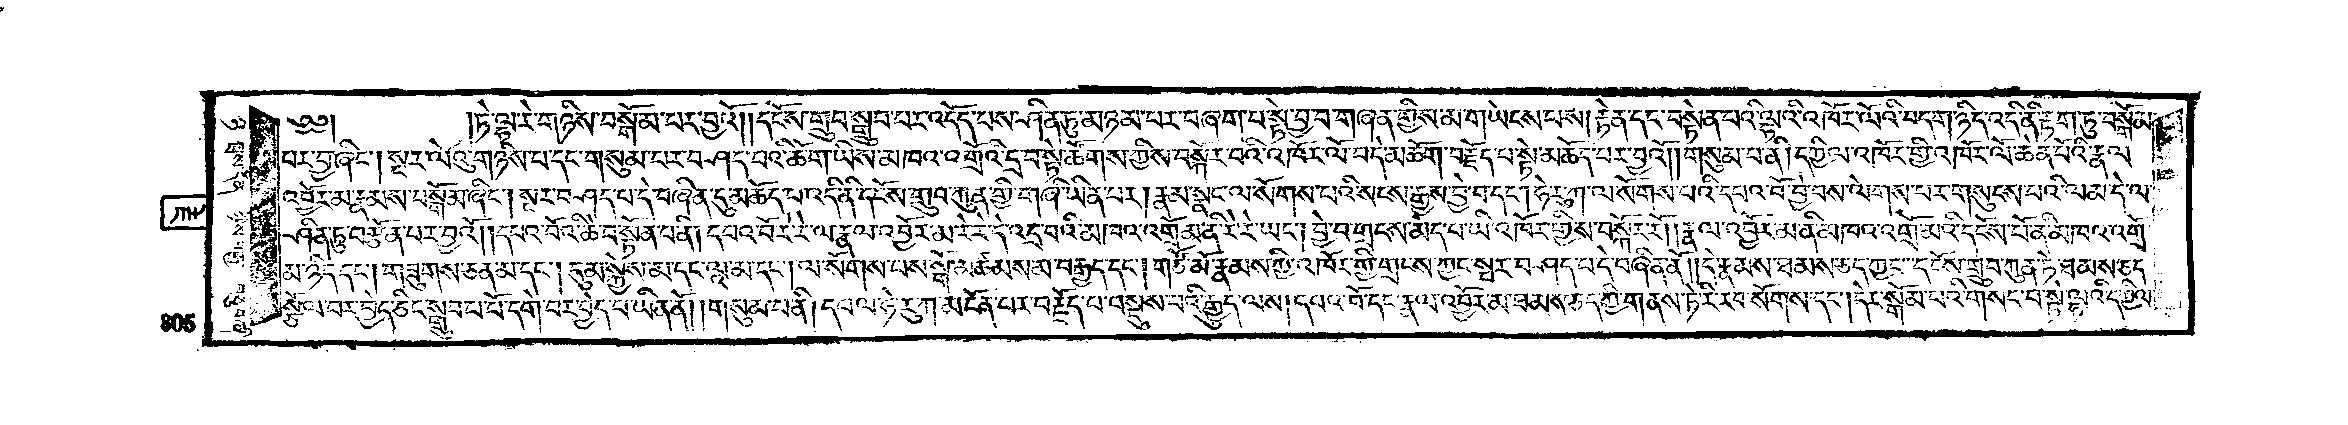༄༅། །ཏེ་ལྷ་རེ་གཉིས་བསྒོམ་པར་བྱའོ། །དངོས་གྲུབ་སྒྲུབ་པར་འདོད་པས་ཤིན་ཏུ་མཉམ་པར་བཞག་པ་སྟེ་བྱ་བ་གཞན་གྱིས་མ་གཡེངས་པས། རྟེན་དང་བསྟེན་པའི་ལྷའི་འཁོར་ལོའི་བདག་ཉིད་འདི་ནི་རྟག་ཏུ་བསྒོམ་
པར་བྱ་ཞིང་། སྔར་ལེའུ་གཉིས་པ་དང་གསུམ་པར་བཤད་པའི་ཆོ་ག་ཡིས་མཁའ་འགྲོའི་དྲ་བ་སྟེ་ཚོགས་ཀྱིས་བསྐོར་བའི་འཁོར་ལོ་བདེ་མཆོག་བརྗོད་པ་སྟེ་མཆོད་པར་བྱའོ། །གསུམ་པ་ནི། དཀྱིལ་འཁོར་གྱི་འཁོར་ལོ་ཆེན་པོའི་རྣལ་
འབྱོར་མ་རྣམས་བསྒོམ་ཞིང་། སྔར་བཤད་པ་དེ་བཞིན་དུ་མཆོད་པ་འདི་ནི་དངོས་གྲུབ་ཀུན་གྱི་གཞི་ཡིན་པར། རྣམ་སྣང་ལ་སོགས་པའི་སངས་རྒྱས་བྱེ་བ་དང་། ཧེ་རུ་ཀ་ལ་སོགས་པའི་དཔའ་བོ་བྱེ་བས་ལེགས་པར་གསུངས་པའི་ལམ་དེ་ལ་
ཤིན་ཏུ་བརྩོན་པར་བྱའོ། །དཔའ་བོའི་ཆེ་བ་སྟོན་པ་ནི། དཔའ་བོ་རེ་རེ་ལ་རྣལ་འབྱོར་མ་རེ་རེ་དེ་འདྲ་བའི་མཁའ་འགྲོ་མ་ནི་རེ་རེ་ཡང་། བྱེ་བ་གྲངས་མེད་པ་ཡི་འཁོར་གྱིས་བསྐོར་རོ། །རྣལ་འབྱོར་མ་ནི་མཁའ་འགྲོ་མའི་དངོས་པོ་ནི་མཁའ་འགྲོ་
མ་ཉིད་དང་། གཟུགས་ཅན་མ་དང་། དུམ་སྐྱེས་མ་དང་ལཱ་མ་དང་། ལ་སོགས་པས་སྒོ་མཚམས་མ་བརྒྱད་དང་། གཙོ་མོ་རྣམས་ཀྱི་འཁོར་གྱི་གྲངས་ཀྱང་སྔར་བཤད་པ་དེ་བཞིན་ནོ། །དེ་རྣམས་ཐམས་ཅད་ཀྱང་དངོས་གྲུབ་ཀུན་ཏེ་ཐམས་ཅད་
སྩོལ་བར་བྱེད་ཅིང་སྒྲུབ་པ་པོ་དགེ་བར་བྱེད་པ་ཡིན་ནོ། །གསུམ་པ་ནི། དཔལ་ཧེ་རུ་ཀ་མངོན་པར་བརྗོད་པ་བསྡུས་པའི་རྒྱུད་ལས། དཔའ་བོ་དང་རྣལ་འབྱོར་མ་ཐམས་ཅད་ཀྱི་གནས་ཏེ་རི་རབ་སོགས་དང་། དེར་སྒོམ་པའི་གསང་བ་སྟེ་ལྷའི་དཀྱིལ་